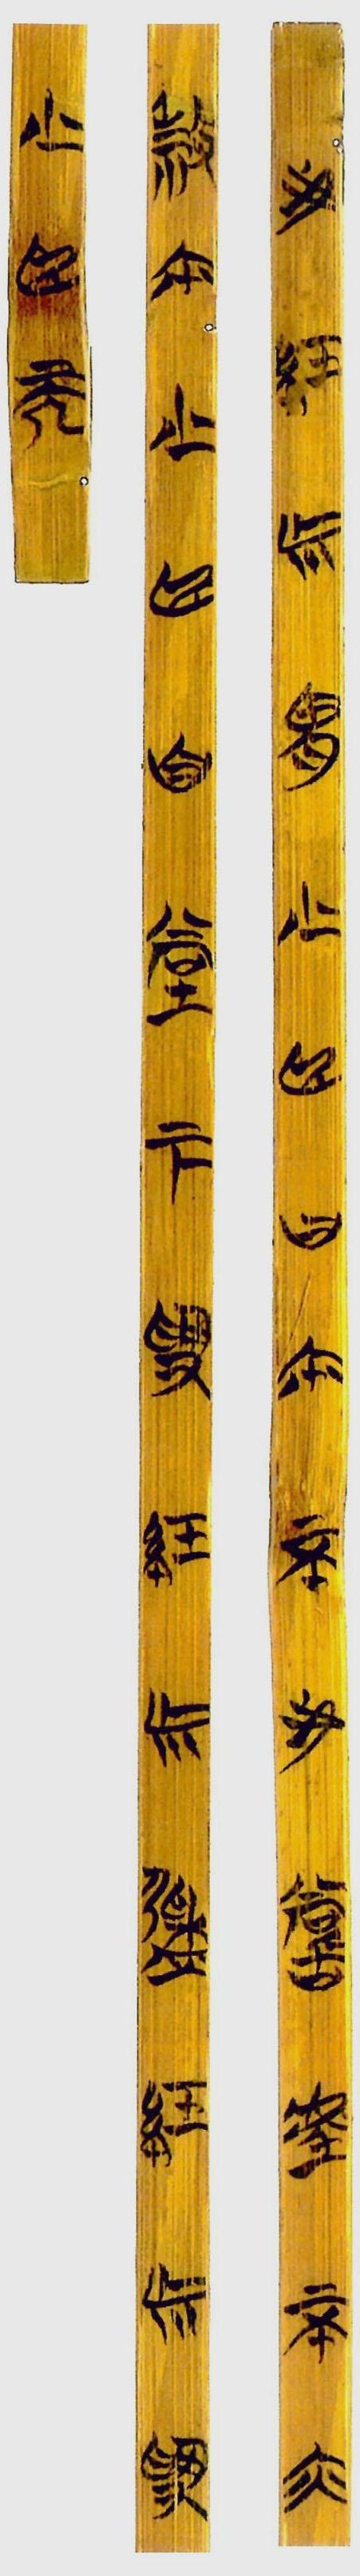我紝巟胃少臣曰尔不我嘗𫊟（吾）不亦殺尔少臣自堂下受紝巟{弓采皿}紝巟受少臣而
